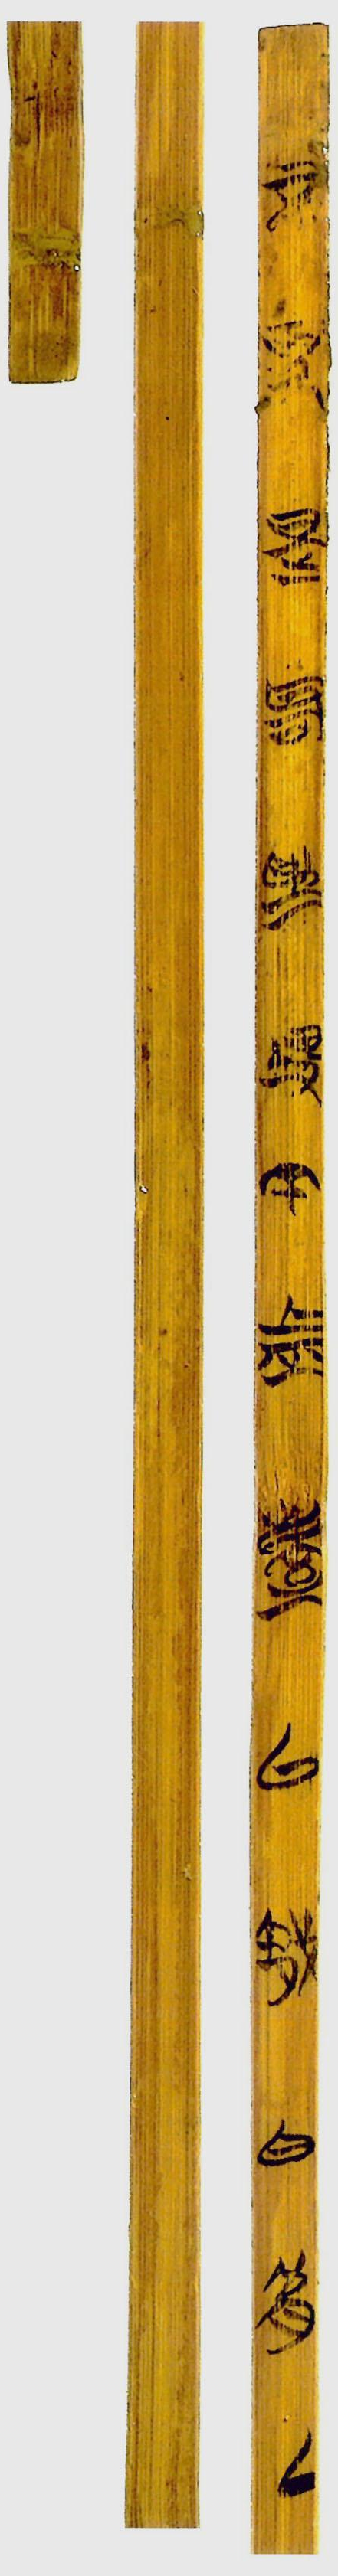不𠭁（得）是{㠯ㅋ}爲埤丁者{鹿止}㠯（以）{午卩戈}白兔
